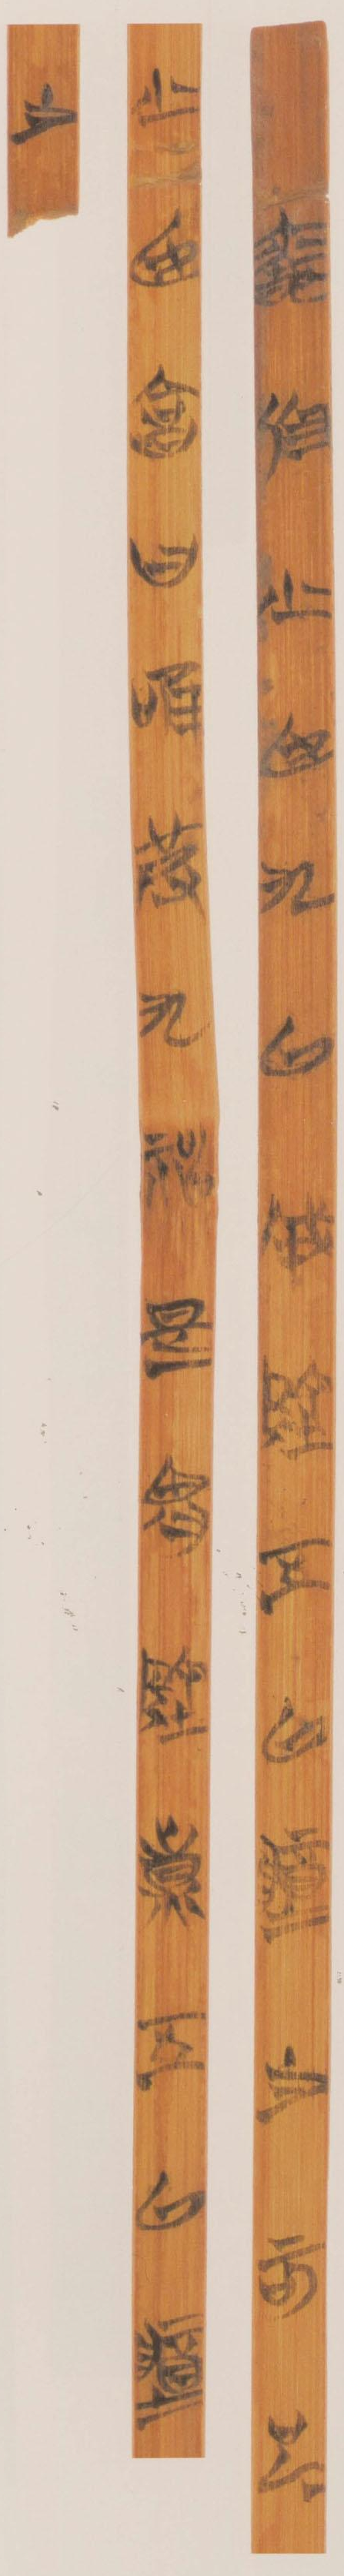{尒䎽}於少臣九㠯（以）成地五㠯（以）{𨟻止}之可也少臣合曰唯皮九神是胃地{之鼎}五㠯（以）{𨟻止}之
